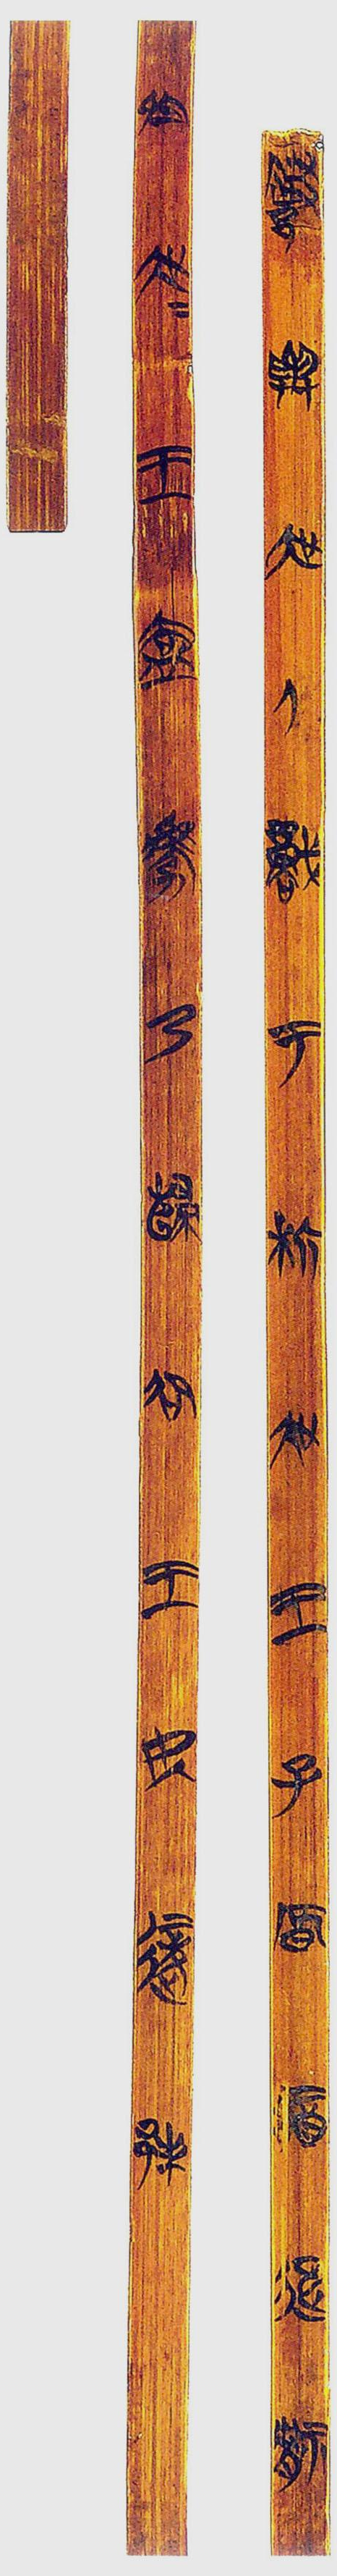{阜圭㕛邑}與吳人戰于析吳王子晨𨟻起禍於吳=王盍{虎力}乃{𡴎帚}卲王𡚦復邦
